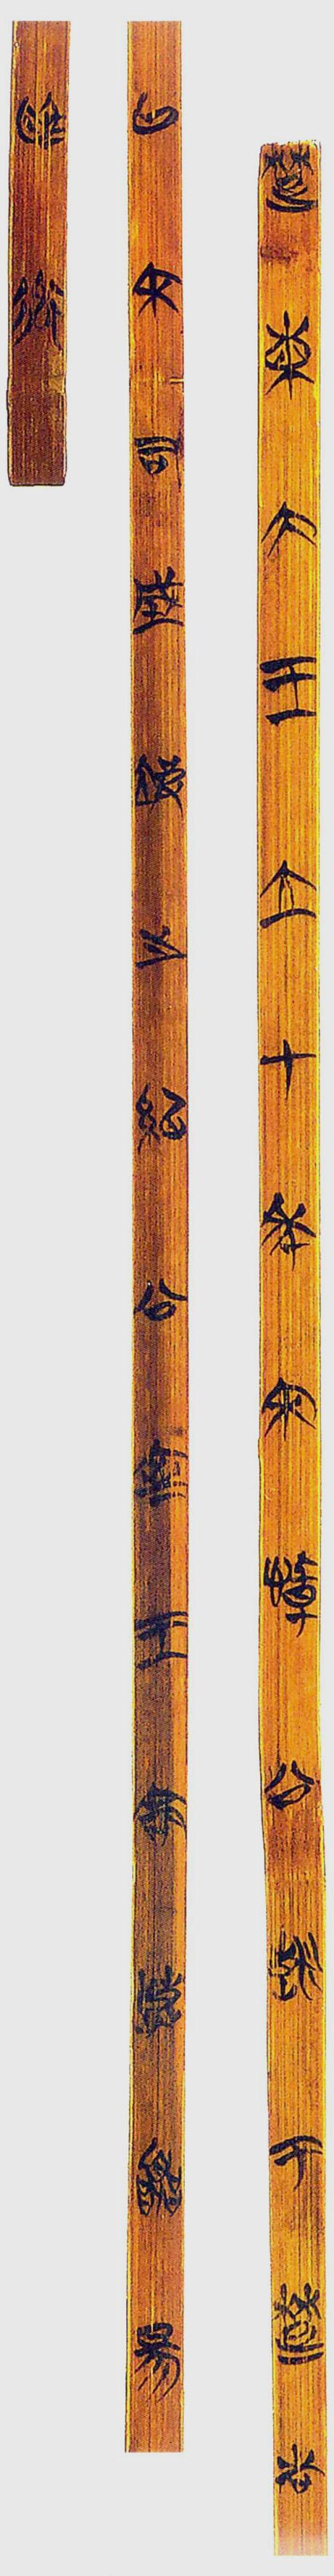楚柬大王立七年宋悼公朝于楚告㠯（以）宋司城{立皮}之約公室王命莫囂昜爲率
